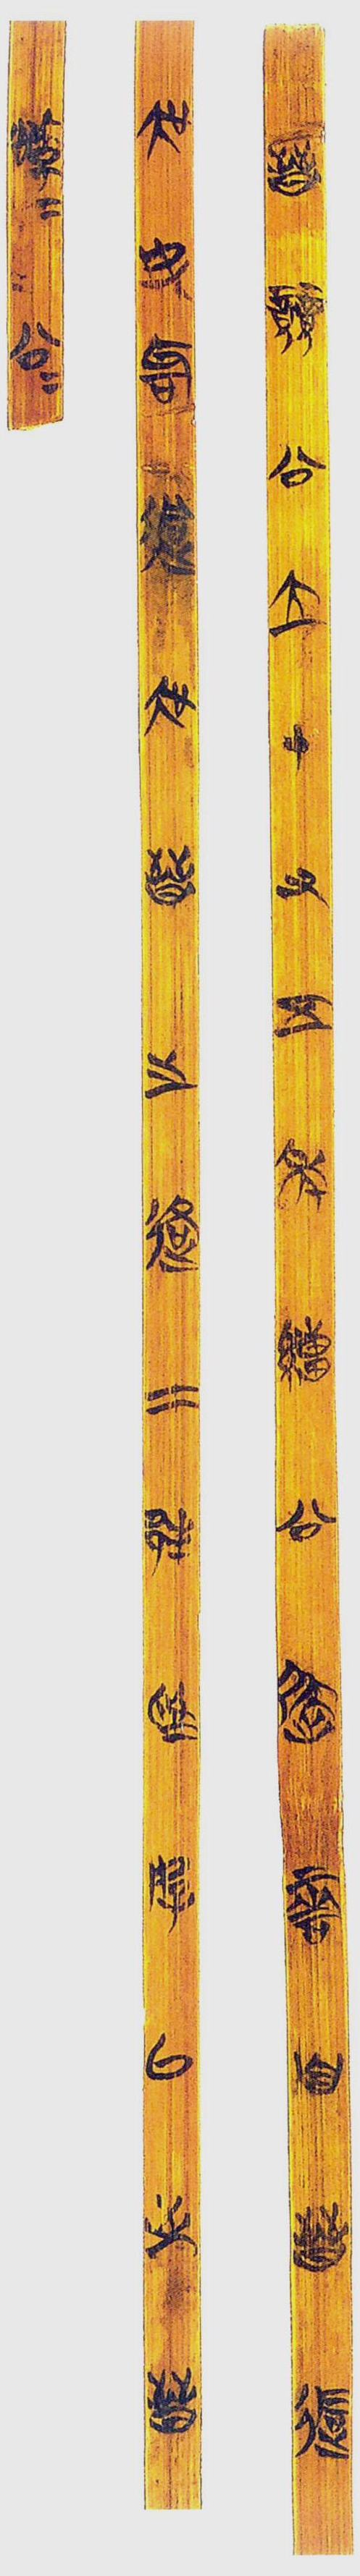晉競公立十又五年{糸東田}公屈{巫口}自晉{辶石}吳𡚦{㠯ㅋ}迵吳晉之{辶各}二邦爲好㠯（以）至晉悼=公=
